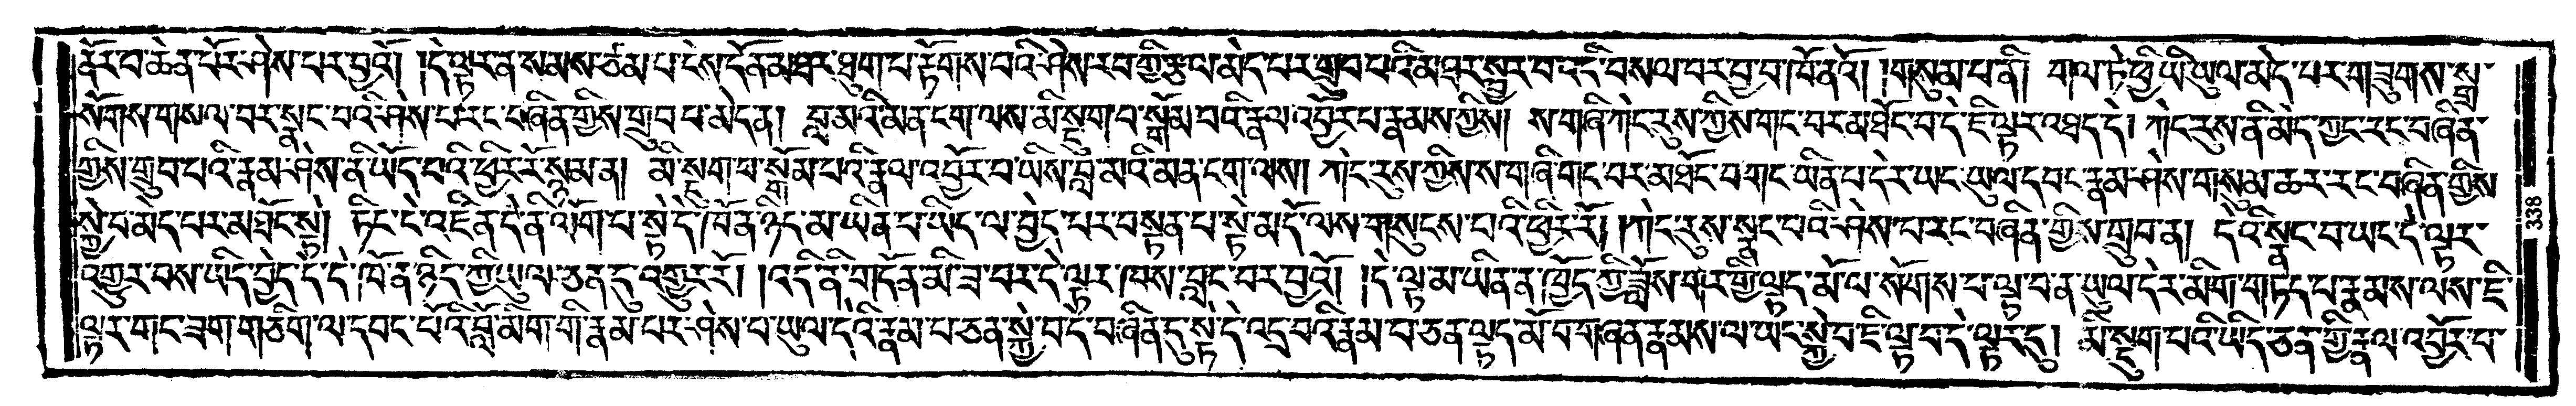ནོར་པ་ཆེན་པོར་ཤེས་པར་བྱའོ། །དེ་ལྟར་ན་སེམས་ཙམ་པ་ངེས་དོན་མཐར་ཐུག་པ་རྟོགས་པའི་ཤེས་རབ་ཀྱི་རྩལ་མེད་པར་གྲུབ་པའི་མཐར་སྦྱར་བ་འདི་བསལ་བར་བྱ་བ་ཁོ་ནའོ། །གསུམ་པ་ནི། གལ་ཏེ་ཕྱི་ཡི་ཡུལ་མེད་པར་གཟུགས་སྒྲ་
སོགས་གསལ་བར་སྣང་བའི་ཤེས་པ་རང་བཞིན་གྱིས་གྲུབ་པ་མེད་ན། བླ་མའི་མན་ངག་ལས་མི་སྡུག་པ་སྒོམ་པའི་རྣལ་འབྱོར་པ་རྣམས་ཀྱིས། ས་གཞི་ཀེང་རུས་ཀྱིས་གང་བར་མཐོང་བ་དེ་ཇི་ལྟར་འཐད་དེ། ཀེང་རུས་ནི་མེད་ཀྱང་རང་བཞིན་
གྱིས་གྲུབ་པའི་རྣམ་ཤེས་ནི་ཡོད་པའི་ཕྱིར་རོ་སྙམ་ན། མི་སྡུག་པ་སྒོམ་པའི་རྣལ་འབྱོར་པ་ཡིས་བླ་མའི་མན་ངག་ལས། ཀེང་རུས་ཀྱིས་ས་གཞི་གང་བར་མཐོང་བ་གང་ཡིན་པ་དེར་ཡང་ཡུལ་དབང་རྣམ་ཤེས་གསུམ་ཆར་རང་བཞིན་གྱིས་
སྐྱེ་བ་མེད་པར་མཐོང་སྟེ། ཏིང་ངེ་འཛིན་དེ་ནི་ལོག་པ་སྟེ་དེ་ཁོ་ན་ཉིད་མ་ཡིན་པ་ཡིད་ལ་བྱེད་པར་བསྟན་པ་སྟེ་མདོ་ལས་གསུངས་པའི་ཕྱིར་རོ། །ཀེང་རུས་སྣང་བའི་ཤེས་པ་རང་བཞིན་གྱིས་གྲུབ་ན། དེའི་སྣང་བ་ཡང་དེ་ལྟར་
འགྱུར་བས་ཡིད་བྱེད་དེ་དེ་ཁོ་ན་ཉིད་ཀྱི་ཡུལ་ཅན་དུ་འགྱུར་རོ། །འདི་ནི་གདོན་མི་ཟ་བར་དེ་ལྟར་ཁས་བླང་བར་བྱའོ། །དེ་ལྟ་མ་ཡིན་ན་ཁྱོད་ཀྱི་ཟློས་གར་གྱི་ལྟད་མོ་ལ་སོགས་པ་ལྟ་བ་ན་ཡུལ་དེར་མིག་གཏད་པ་རྣམས་ལས་ཇི་
ལྟར་གང་ཟག་གཅིག་ལ་དབང་པོའི་བློ་མིག་གི་རྣམ་པར་ཤེས་པ་ཡུལ་དེའི་རྣམ་པ་ཅན་སྐྱེ་བ་དེ་བཞིན་དུ་སྟེ་དེ་འདྲ་བའི་རྣམ་པ་ཅན་ལྟད་མོ་བ་གཞན་རྣམས་ལ་ཡང་སྐྱེ་བ་ཇི་ལྟ་བ་དེ་ལྟར་དུ། མི་སྡུག་པའི་ཡིད་ཅན་གྱི་རྣལ་འབྱོར་པ་